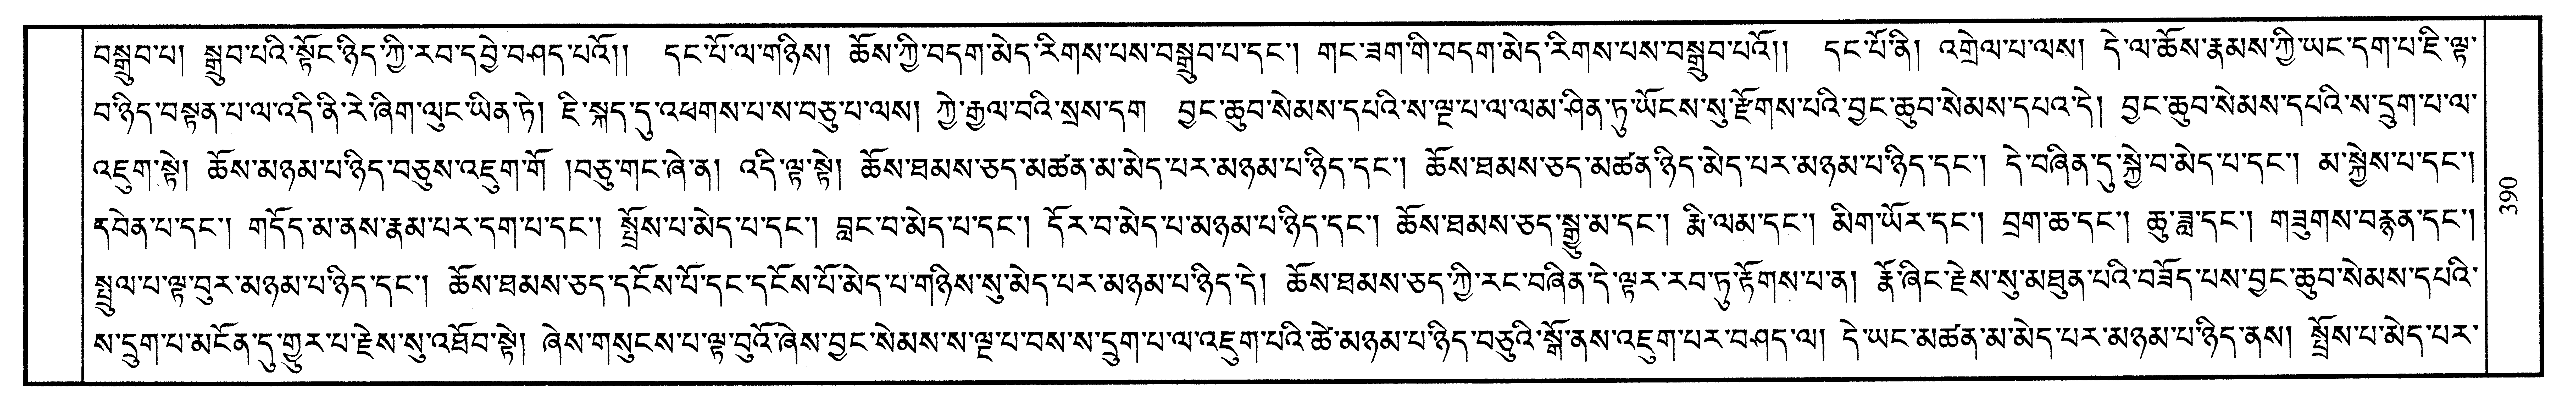བསྒྲུབ་པ། སྒྲུབ་པའི་སྟོང་ཉིད་ཀྱི་རབ་དབྱེ་བཤད་པའོ།། དང་པོ་ལ་གཉིས། ཆོས་ཀྱི་བདག་མེད་རིགས་པས་བསྒྲུབ་པ་དང་། གང་ཟག་གི་བདག་མེད་རིགས་པས་བསྒྲུབ་པའོ།། དང་པོ་ནི། འགྲེལ་པ་ལས། དེ་ལ་ཆོས་རྣམས་ཀྱི་ཡང་དག་པ་ཇི་ལྟ་
བ་ཉིད་བསྟན་པ་ལ་འདི་ནི་རེ་ཞིག་ལུང་ཡིན་ཏེ། ཇི་སྐད་དུ་འཕགས་པ་ས་བཅུ་པ་ལས། ཀྱེ་རྒྱལ་བའི་སྲས་དང་། བྱང་ཆུབ་སེམས་དཔའི་ས་ལྔ་པ་ལ་ལམ་ཤིན་ཏུ་ཡོངས་སུ་རྫོགས་པའི་བྱང་ཆུབ་སེམས་དཔའ་དེ། བྱང་ཆུབ་སེམས་དཔའི་ས་དྲུག་པ་ལ་
འཇུག་སྟེ། ཆོས་མཉམ་པ་ཉིད་བཅུས་འཇུག་གོ །བཅུ་གང་ཞེ་ན། འདི་ལྟ་སྟེ། ཆོས་ཐམས་ཅད་མཚན་མ་མེད་པར་མཉམ་པ་ཉིད་དང་། ཆོས་ཐམས་ཅད་མཚན་ཉིད་མེད་པར་མཉམ་པ་ཉིད་དང་། དེ་བཞིན་དུ་སྐྱེ་བ་མེད་པ་དང་། མ་སྐྱེས་པ་དང་།
དབེན་པ་དང་། གདོད་མ་ནས་རྣམ་པར་དག་པ་དང་། སྤྲོས་པ་མེད་པ་དང་། བླང་བ་མེད་པ་དང་། དོར་བ་མེད་པ་མཉམ་པ་ཉིད་དང་། ཆོས་ཐམས་ཅད་སྒྱུ་མ་དང་། རྨི་ལམ་དང་། མིག་ཡོར་དང་། བྲག་ཆ་དང་། ཆུ་ཟླ་དང་། གཟུགས་བརྙན་དང་།
སྤྲུལ་པ་ལྟ་བུར་མཉམ་པ་ཉིད་དང་། ཆོས་ཐམས་ཅད་དངོས་པོ་དང་དངོས་པོ་མེད་པ་གཉིས་སུ་མེད་པར་མཉམ་པ་ཉིད་དེ། ཆོས་ཐམས་ཅད་ཀྱི་རང་བཞིན་དེ་ལྟར་རབ་ཏུ་རྟོགས་པ་ན། རྣོ་ཞིང་རྗེས་སུ་མཐུན་པའི་བཟོད་པས་བྱང་ཆུབ་སེམས་དཔའི་
ས་དྲུག་པ་མངོན་དུ་གྱུར་པ་རྗེས་སུ་འཐོབ་སྟེ། ཞེས་གསུངས་པ་ལྟ་བུའོ་ཞེས་བྱང་སེམས་ས་ལྔ་པ་བས་ས་དྲུག་པ་ལ་འཇུག་པའི་ཚེ་མཉམ་པ་ཉིད་བཅུའི་སྒོ་ནས་འཇུག་པར་བཤད་ལ། དེ་ཡང་མཚན་མ་མེད་པར་མཉམ་པ་ཉིད་ནས། སྤྲོས་པ་མེད་པར་